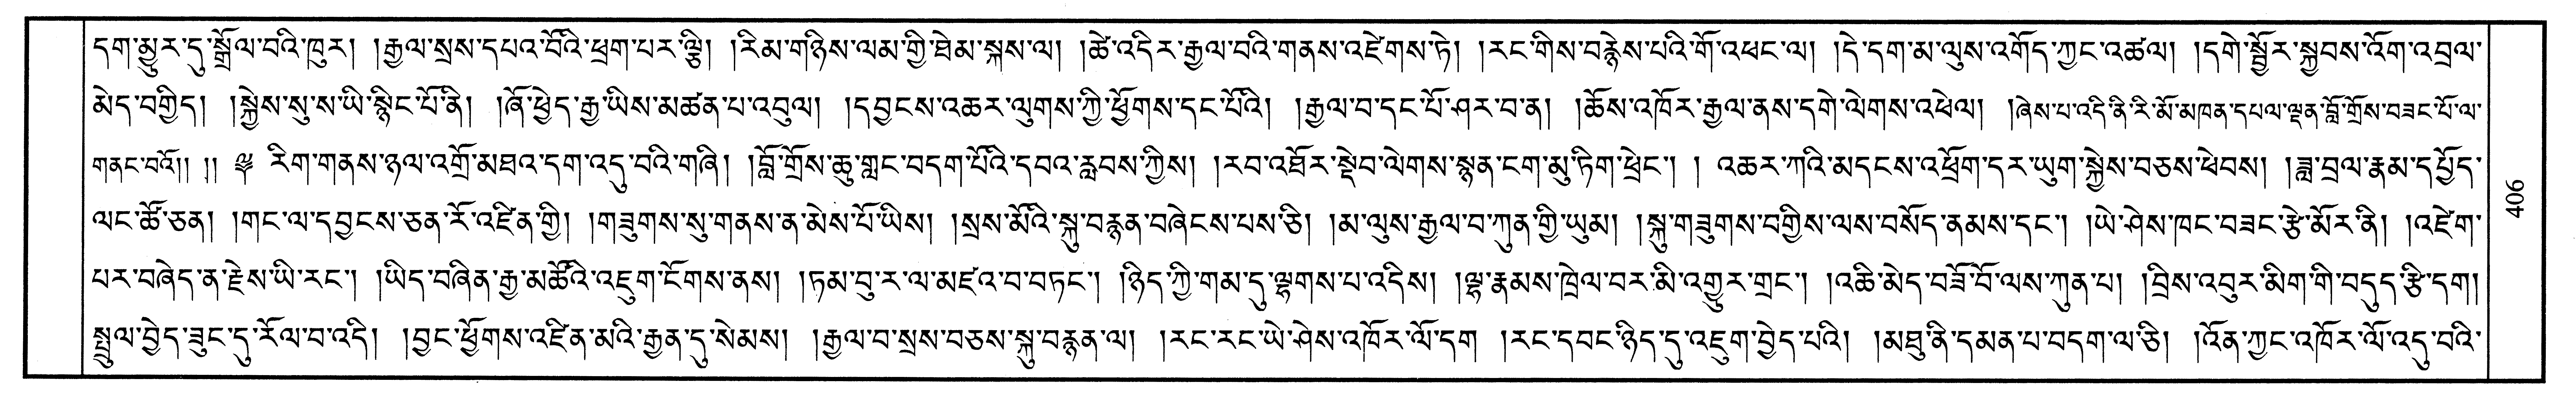དག་མྱུར་དུ་སྒྲོལ་བའི་ཁུར། །རྒྱལ་སྲས་དཔའ་བོའི་ཕྲག་པར་ལྕི། །རིམ་གཉིས་ལམ་གྱི་ཐེམ་སྐས་ལ། །ཚེ་འདིར་རྒྱལ་བའི་གནས་འཛེགས་ཏེ། །རང་གིས་བརྙེས་པའི་གོ་འཕང་ལ། །དེ་དག་མ་ལུས་འགོད་ཀྱང་འཚལ། །དགེ་སྦྱོར་སྐྱབས་འོག་འབྲལ་
མེད་བགྱིད། །སྐྱེས་སུ་ས་ཡི་སྙིང་པོ་ནི། །ཞོ་ཕྱེད་རྒྱ་ཡིས་མཚན་པ་འབུལ། །དབྱངས་འཆར་ལུགས་ཀྱི་ཕྱོགས་དང་པོའི། །རྒྱལ་བ་དང་པོ་ཤར་བ་ན། །ཆོས་འཁོར་རྒྱལ་ནས་དགེ་ལེགས་འཕེལ། །ཞེས་པ་འདི་ནི་རི་མོ་མཁན་དཔལ་ལྡན་བློ་གྲོས་བཟང་པོ་ལ་
གནང་བའོ།། །། ༈ རིག་གནས་ཉལ་འགྲོ་མཐའ་དག་འདུ་བའི་གཞི། །བློ་གྲོས་ཆུ་གླང་བདག་པོའི་དབའ་རླབས་ཀྱིས། །རབ་འཐོར་སྡེབ་ལེགས་སྙན་ངག་མུ་ཏིག་ཕྲེང་། །འཆར་ཀའི་མདངས་འཕྲོག་དར་ཡུག་སྐྱེས་བཅས་ཕེབས། །ཟླ་བྲལ་རྣམ་དཔྱོད་
ལང་ཚོ་ཅན། །གང་ལ་དབྱངས་ཅན་རོ་འཛིན་གྱི། །གཟུགས་སུ་གནས་ན་མེས་པོ་ཡིས། །སྲས་མོའི་སྐུ་བརྙན་བཞེངས་པས་ཅི། །མ་ལུས་རྒྱལ་བ་ཀུན་གྱི་ཡུམ། །སྐུ་གཟུགས་བགྱིས་ལས་བསོད་ནམས་དང་། །ཡེ་ཤེས་ཁང་བཟང་རྩེ་མོར་ནི། འཛེག་
པར་བཞེད་ན་རྗེས་ཡི་རང་། །ཡིད་བཞིན་རྒྱ་མཚོའི་འཇུག་ངོགས་ནས། །ཏམ་བུ་ར་ལ་མཛའ་བ་བཏང་། །ཉིད་ཀྱི་གམ་དུ་ལྷགས་པ་འདིས། །ལྷ་རྣམས་ཁྲེལ་བར་མི་འགྱུར་གྲང་། །འཆི་མེད་བཟོ་བོ་ལས་ཀུན་པ། །བྲིས་འབུར་མིག་གི་བདུད་རྩི་དག།
སྤྲུལ་བྱེད་ཟུང་དུ་རོལ་བ་འདི། །བྱང་ཕྱོགས་འཛིན་མའི་རྒྱན་དུ་སེམས། །རྒྱལ་བ་སྲས་བཅས་སྐུ་བརྙན་ལ། །རང་རང་ཡེ་ཤེས་འཁོར་ལོ་དག །རང་དབང་ཉིད་དུ་འཇུག་བྱེད་པའི། །མཐུ་ནི་དམན་པ་བདག་ལ་ཅི། །འོན་ཀྱང་འཁོར་ལོ་འདུ་བའི་